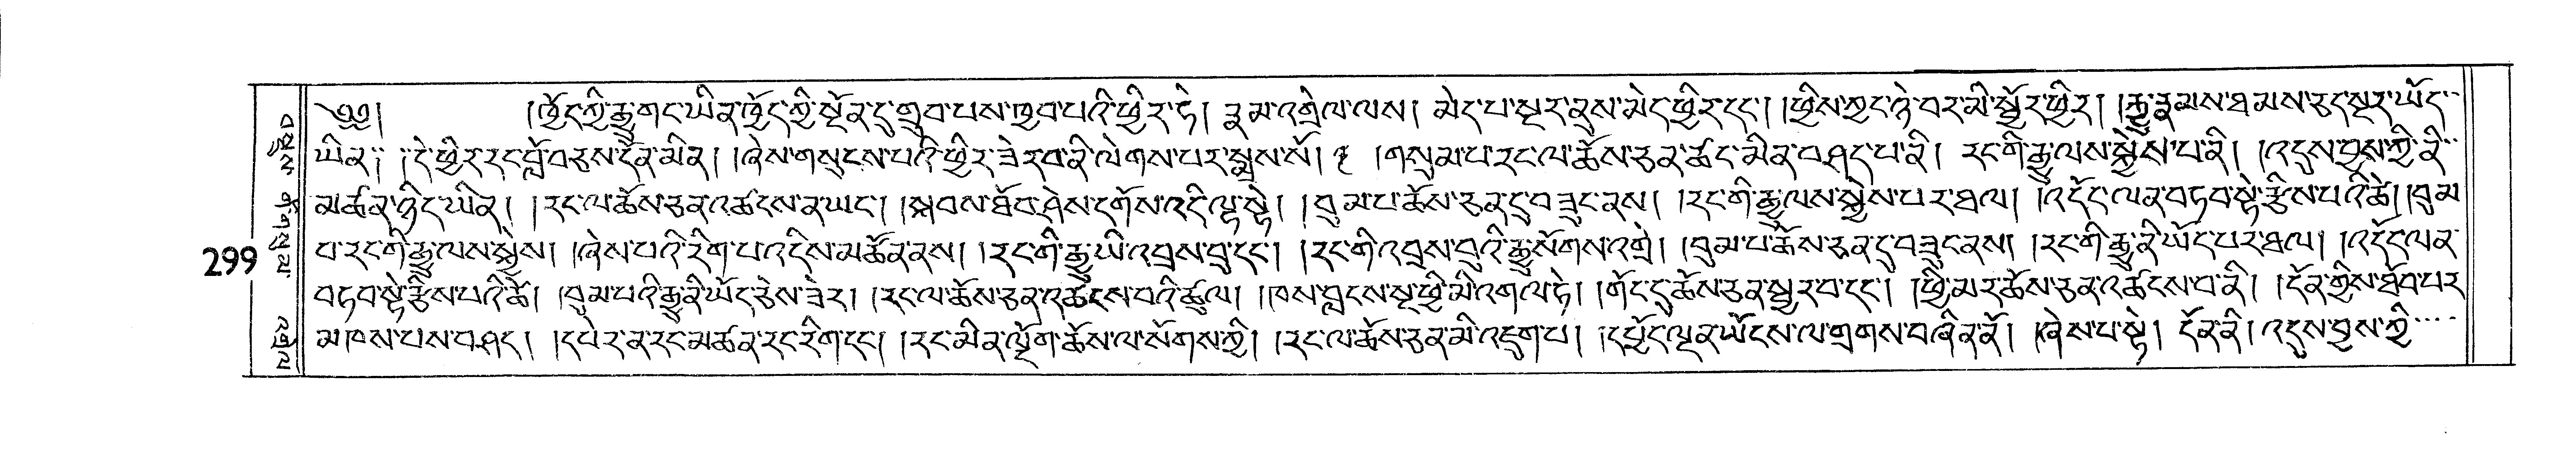༄༅། །ཁྱོད་ཀྱི་རྒྱུ་གང་ཡིན་ཁྱོད་ཀྱི་སྔོན་དུ་གྲུབ་པས་ཁྱབ་པའི་ཕྱིར་ཏེ། རྣམ་འགྲེལ་ལས། མེད་པ་སྔར་ནུས་མེད་ཕྱིར་དང་། །ཕྱིས་ཀྱང་ཉེ་བར་མི་སྦྱོར་ཕྱིར། །རྐྱུ་རྣམས་ཐམས་ཅད་སྔར་ཡོད་
ཡིན༑ ༑དེ་ཕྱིར་རང་བློ་བཅས་དོན་མིན། །ཞེས་གསུངས་པའི་ཕྱིར་ཟེར་བ་ནི་ལེགས་པར་སྨྲས་སོ། ༈ །གསུམ་པ་རང་ལ་ཆོས་ཅན་ཚང་མིན་བཤད་པ་ནི། རང་གི་རྒྱུ་ལས་སྐྱེས་པ་ནི། །འདུས་བྱས་ཀྱི་ནི་
མཚན་ཉིད་ཡིན། །རང་ལ་ཆོས་ཅན་འཚངས་ན་ཡང་། །སྐབས་ཐོབ་ཤེས་དགོས་འདི་ལྟ་སྟེ། །བུམ་པ་ཆོས་ཅན་དུ་བཟུང་ནས། །རང་གི་རྒྱུ་ལས་སྐྱེས་པར་ཐལ། །འདོད་ལན་བཏབ་སྟེ་རྩིས་པའི་ཚེ། །བུམ་
བ་རང་གི་རྒྱུ་ལས་སྐྱེས། །ཞེས་པའི་རིག་པ་འདིས་མཚོན་ནས། །རང་གི་རྒྱུ་ཡི་འབྲས་བུ་དང་། །རང་གི་འབྲས་བུའི་རྒྱུ་སོགས་འགྲེ། །བུམ་པ་ཆོས་ཅན་དུ་བཟུང་ནས། །རང་གི་རྒྱུ་ནི་ཡོད་པར་ཐལ། །འདོད་ལན་
བཏབ་སྟེ་རྩིས་པའི་ཚེ། །བུམ་པའི་རྒྱུ་ནི་ཡོད་ཅེས་ཟེར། །རང་ལ་ཆོས་ཅན་འཚངས་བའི་ཚུལ། །ཁས་བླངས་སྔ་ཕྱི་མི་འགལ་ཏེ། །གོང་དུ་ཆོས་ཅན་སྦྱར་བ་དང་། །ཕྱི་མར་ཆོས་ཅན་འཚངས་པ་ནི། །དོན་གྱིས་ཐོབ་པར་
མཁས་པས་བཤད། །དཔེར་ན་རང་མཚན་རང་རིག་དང་། །རང་མིན་ལྡོག་ཆོས་ལ་སོགས་ཀྱི། །རང་ལ་ཆོས་ཅན་མི་འཇུག་པ། །དཔྱོད་ལྡན་ཡོངས་ལ་གྲགས་བཞིན་ནོ། །ཞེས་པ་སྟེ། དོན་ནི། འདུས་བྱས་ཀྱི་